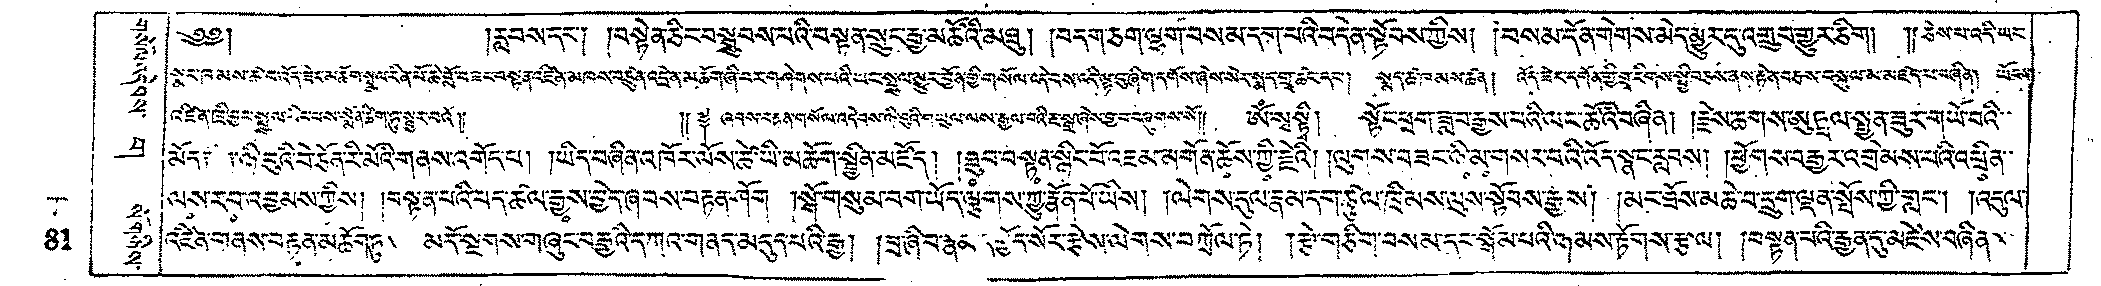༄༅། །རླབས་དང་། །བསྟེན་ཅིང་བསྒྲུབས་པའི་བསྟན་སྲུང་རྒྱ་མཚོའི་མཐུ། །བདག་ཅག་ལྷག་བསམ་དག་པའི་བདེན་སྟོབས་ཀྱིས། །བསམ་དོན་གེགས་མེད་མྱུར་དུ་འགྲུབ་གྱུར་ཅིག།། །།ཅེས་པ་འདིས་ཡང་
སྨར་ཁམས་ཚ་བ་འོད་ཟེར་མཆོག་སྤྲུལ་ཆེན་བློ་བཟང་བསྟན་འཛིན་མཁས་བཙུན་འདྲེན་མཆོག་ཞི་བར་གཤེགས་པའི་ཡང་སྤྲུལ་མྱུར་བྱོན་གྱི་གསོལ་འདེབས་འདི་ལྟ་བུ་ཞིག་དགོས་ཞེས་སེར་སྨད་གྲྭ་ཚང་དང་། སྨད་ཚ་ཁམ་ཚན། འོད་ཟེར་དགོན་གྱི་གྲྭ་རིགས་སྤྱི་ཅས་ནས་རྟེན་བཅས་སྐུལ་ལ་མཛད་པ་བཞིན། ཡོངས་
འཛིན་ཁྲི་བྱང་སྤྲུལ་མིང་པས་སྨོན་ཚིག་ཏུ་སྦྱར་བའོ།། །། འ་ཞབས་བརྟེན་གསོལ་འདེབས་ཉི་བུའི་གཡུལ་ལས་རྒྱལ་བའི་ཞེས་བྱ་བ་བཞུགས་སོ།། ཨོཾ་སྭསྟྭི། སྟོང་ཕྲག་ཟླ་བ་རྒྱས་པའི་ལང་ཚོའི་བཞིན། །རྗེས་ཆགས་ཨུཏྤ་སྤྱན་ཟུར་གཡོ་བའི་་་
མོད༑ ༑ཉི་བུའི་ཅོན་རི་མོའི་གནས་འགོད་པ། །ཡིད་བཞིན་འཁོར་ལོས་ཚེ་ཡི་མཆོག་སྦྱིན་མཛོད། །ཐུབ྾་བསྟན྾་སྙིང་པོ་འཇམ་མགོན་ཆོས྾་ཀྱི྾་རྗེའི། །ལུགས་བཟང་ཉི྾་མ྾་གསར་པའི་འོད་སྣང་རླབས། ཕྱོགས་བརྒྱུར་འགྲེམ་པའི་འཕྲིན་་་
ལས྾་རབ྾་འབྱམས་ཀྱིས། །བསྟན་པའི་པད་ཚལ་རྒྱས྾་བྱེད་ཞབས་བརྟན་ཤོག །སྒོ་གསུམ་བག་ཡོད་ལྕགས྾་ཀྱུ྾་རྣོན་པོ་ཡིས། །ལེགས་དུལ་རྣམ་དག་ཚུལ་ཁྲིམས་ལུས་སྟོབས་རྒྱས། །མང་ཐོས་མཆེ་བ་དྲུག་ལྡན་སྤོས་ཀྱི་གླང་། འདུལ་
འཛིན་གནས་བརྟན་མཆོག་ཏུ་྾་མདོ་སྔགས་གཞུང་བརྒྱའི་དཀའ་གནད་མདུད་པའི་རྒྱ། ཕྲ་བཞིབ་རྣམ་དཔྱོད་སོར་རྩེས་ལེགས་བཀྲོལ་ཏེ། །རྩེ་གཅིག་བསམ་དང་སྒོམ་པའི་ཉམས་རྟོགས་རྩལ། །བསྟན་པའི་རྒྱན་དུ་མཛེས་བཞིན་྾་